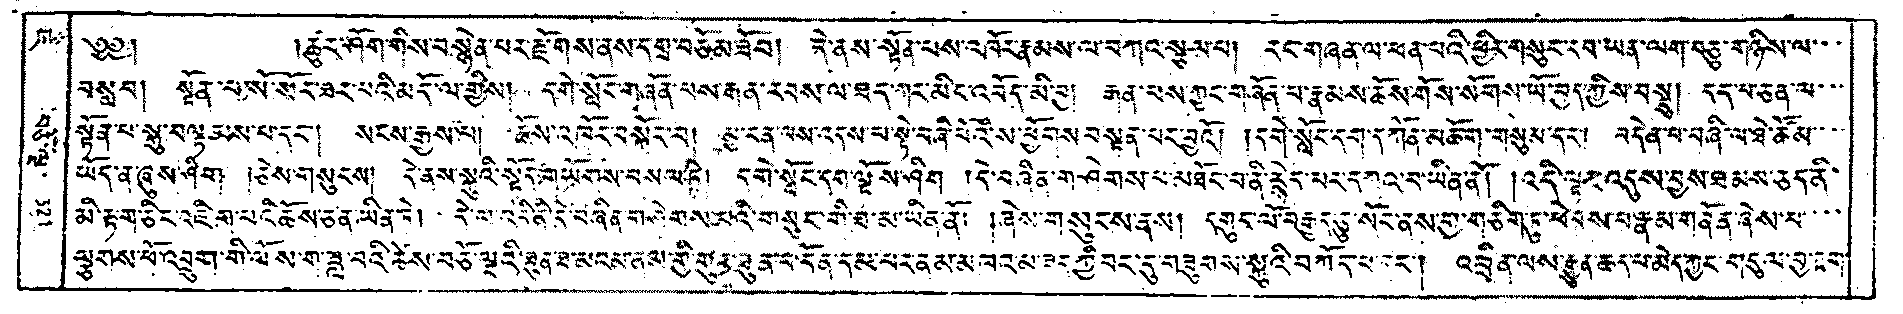༄༅། །ཚུར་ཤོག་གིས་བསྙེན་པར་རྫོགས་ནས་དགྲ་བཅོམ་ཐོབ། དེ་ནས་སྟོན་པས་འཁོར་རྣམས་ལ་བཀའ་སྩལ་པ། རང་གཞན་ལ་ཕན་པའི་ཕྱིར་གསུང་རབ་ཡན་ལག་བཅུ་གཉིས་ལ་
བསླབ། སྟོན་པ་སོ་སོར་ཐར་པའི་མདོ་ལ་གྱིས། དགེ་སློང་གཞོན་པས་རྒན་རབས་ལ་ཐད་ཀར་མིང་འབོད་མི་བྱ། རྒན་པས་ཀྱང་གཞོན་པ་རྣམས་ཆོས་གོས་སོགས་ཡོ་བྱད་ཀྱིས་བསྡུ། དད་པ་ཅན་ལ་
སྟོན་པ་སྐུ་བལྟམས་པ་དང་། སངས་རྒྱས་པ། ཆོས་འཁོར་བསྐོར་བ། མྱ་ངན་ལས་འདས་པ་སྟེ་བཞི་པོའི་ས་ཕྱོགས་བསྟན་པར་བྱའོ། །དགེ་སློང་དག་དཀོན་མཆོག་གསུམ་དང་། བདེན་པ་བཞི་ལ་ཐེ་ཚོམ་
ཡོད་ན་ཞུས་ཤིག །ཅེས་གསུངས། དེ་ནས་སྐུའི་སྟོད་གཡོགས་བསལ་ཏེ། དགེ་སློང་དག་ལྟོས་ཤིག །དེ་བཞིན་གཤེགས་པ་མཐོང་བ་ནི་རྙེད་པར་དཀའ་བ་ཡིན་ནོ། །འདི་ལྟར་འདུས་བྱས་ཐམས་ཅད་ནི་
མི་རྟག་ཅིང་འཇིག་པའི་ཆོས་ཅན་ཡིན་ཏེ། དེ་ལ་འདི་ནི་དེ་བཞིན་གཤེགས་པའི་གསུང་གི་ཐ་མ་ཡིན་ནོ། །ཞེས་གསུངས་ནས། དགུང་ལོ་བརྒྱད་ཅུ་སོང་ནས་གྱ་གཅིག་ཏུ་ཕེབས་པ་རྣམ་གནོན་ཞེས་པ་
ལྕགས་ཕོ་འབྲུག་གི་ལོ་ས་ག་ཟླ་བའི་ཚེས་བཅོ་ལྔའི་ཐུན་ཐ་མའམ་ནམ་གྱི་གུང་ཐུན་ལ་དོན་དམ་པར་ནམ་མཁའ་མ་ཟད་ཀྱི་བར་དུ་གཟུགས་སྐུའི་བཀོད་པ་དང་། འཕྲིན་ལས་རྒྱུན་ཆད་པ་མེད་ཀྱང་གདུལ་བྱ་རྟག་